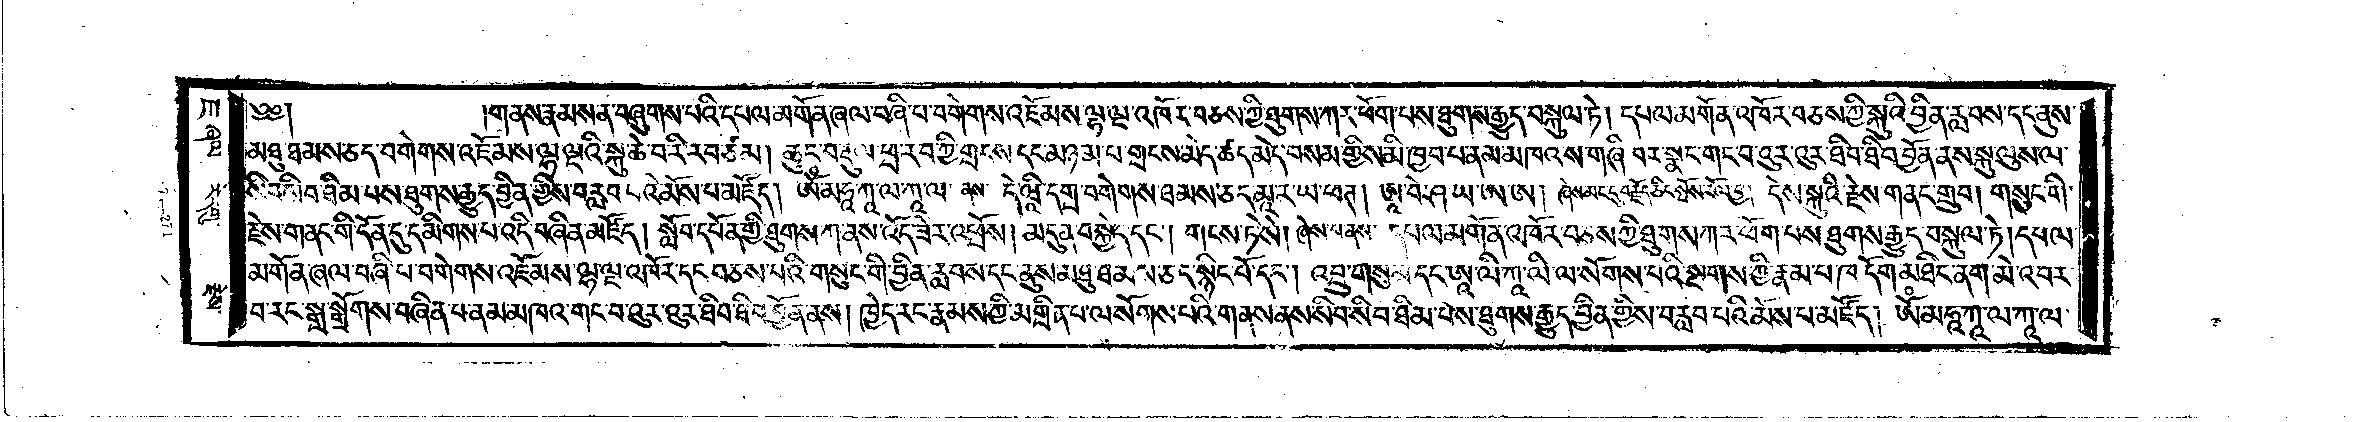༄༅། །གནས་རྣམས་ན་བཞུགས་པའི་དཔལ་མགོན་ཞལ་བཞི་པ་བགེགས་འཇོམས་ལྷ་ལྔ་འཁོར་བཅས་ཀྱི་ཐུགས་ཀར་ཕོག་པས་ཐུགས་རྒྱུད་བསྐུལ་ཏེ། དཔལ་མགོན་འཁོར་བཅས་ཀྱི་སྐུའི་བྱིན་རླབས་དང་ནུས་
མཐུ་ཐམས་ཅད་བགེགས་འཇོམས་ལྷ་ལྔའི་སྐུ་ཆེ་པ་རི་རབ་ཙམ། ཆུང་བ་རྡུལ་ཕྲ་རབ་ཀྱི་གྲངས་དང་མཉམ་པ་གྲངས་མེད་ཚད་མེད་བསམ་གྱིས་མི་ཁྱབ་པ་ནམ་མཁའ་ས་གཞི་བར་སྣང་གང་བ་འུར་འུར་ཐིབ་ཐིབ་བྱོན་ནས་སྐུ་ལུས་ལ་
སིབ་སིབ་ཐིམ་པས་ཐུགས་རྒྱུད་བྱིན་གྱིས་བརླབ་པའི་མོས་པ་མཛོད། ཨོཾ་མྷཱ་ཀཱ་ལ་ཀཱ་ལ་ནས་དེ་ཝཱི་དགྲ་བགེགས་ཐམས་ཅད་མཱ་ར་ཡ་ཕཊ། ཨཱ་བེ་ཤ་ཡ་ཨ་ཨ། ཞེས་མང་དུ་བརྗོད་ཅིང་སྤོས་རོལ་བྱ།  དེས་སྐུའི་རྗེས་གནང་གྲུབ། གསུང་གི་
རྗེས་གནང་གི་དོན་དུ་དམིགས་པ་འདི་བཞིན་མཛོད། སློབ་དཔོན་གྱི་ཐུགས་ཀ་ནས་འོད་ཟེར་འཕྲོས། མདུན་བསྐྱེད་དང་། གངས་ཏེ་སེ། ཞེས་པ་ནས་དཔལ་མགོན་འཁོར་བཅས་ཀྱི་ཐུགས་ཀར་ཕོག་པས་ཐུགས་རྒྱུད་བསྐུལ་ཏེ། དཔལ་
མགོན་ཞལ་བཞི་པ་བགེགས་འཇོམས་ལྷ་ལྔ་འཁོར་དང་བཅས་པའི་གསུང་གི་བྱིན་རླབས་དང་ནུས་མཐུ་ཐམས་ཅད་སྙིང་པོ་དང་། འབྲུ་གསུམ་དང་ཨཱ་ལི་ཀཱ་ལི་ལ་སོགས་པའི་སྔགས་ཀྱི་རྣམ་པ་ཁ་དོག་མཐིང་ནག་མེ་འབར་
བ་རང་སྒྲ་སྒྲོགས་བཞིན་པ་ནམ་མཁའ་གང་བ་འུར་འུར་ཐིབ་ཐིབ་བྱོན་ནས། ཁྱེད་རང་རྣམས་ཀྱི་མགྲིན་པ་ལ་སོགས་པའི་གནས་ནས་སིབ་སིབ་ཐིམ་པས་ཐུགས་རྒྱུད་བྱིན་གྱིས་བརླབ་པའི་མོས་པ་མཛོད། །ཨོཾ་མཧཱ་ཀའ་ལ་ཀཱ་ལ་